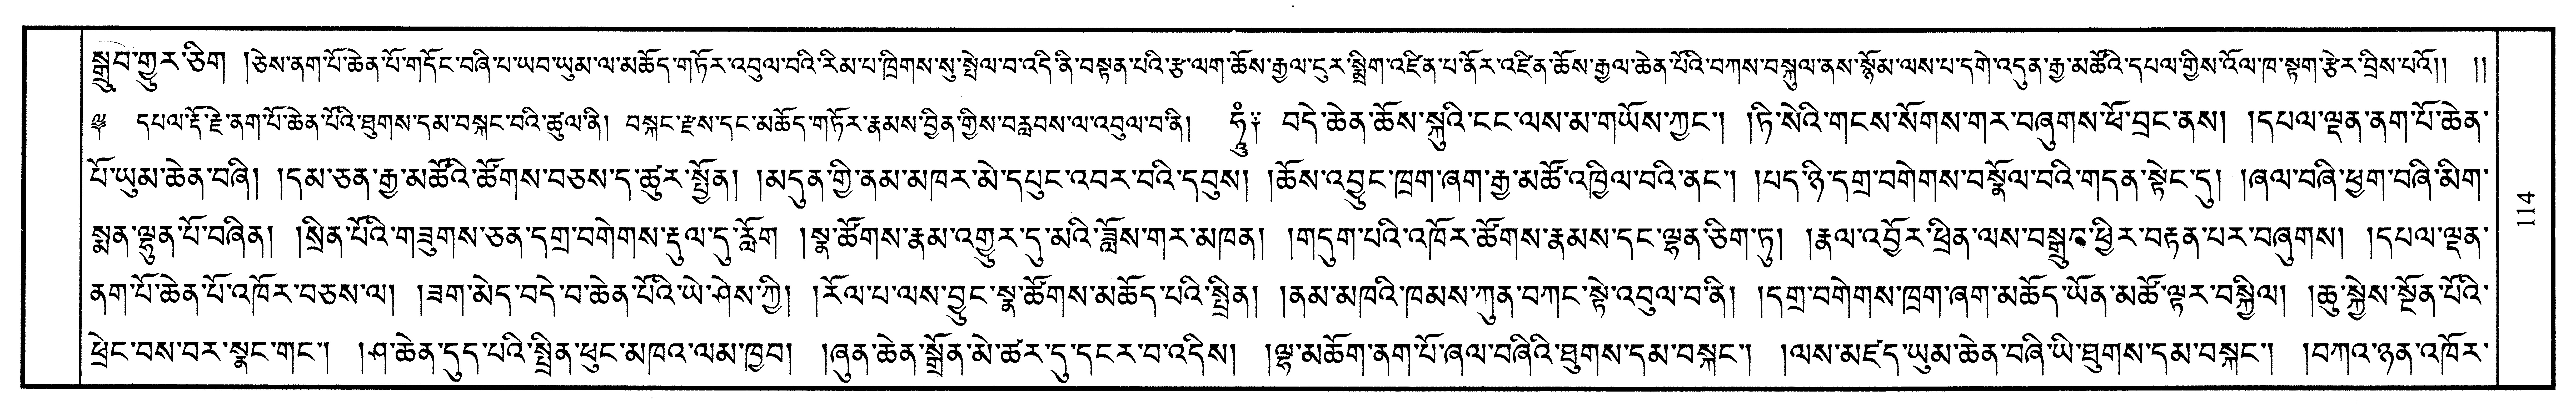སྒྲུབ་གྱུར་ཅིག །ཅེས་ནག་པོ་ཆེན་པོ་གདོང་བཞི་པ་ཡབ་ཡུམ་ལ་མཆོད་གཏོར་འབུལ་བའི་རིམ་པ་ཁྲིགས་སུ་སྤེལ་བ་འདི་ནི་བསྟན་པའི་རྩ་ལག་ཆོས་རྒྱལ་ངུར་སྨྲིག་འཛིན་པ་ནོར་འཛིན་ཆོས་རྒྱལ་ཆེན་པོའི་བཀས་བསྐུལ་ནས་སྙོམ་ལས་པ་དགེ་འདུན་རྒྱ་མཚོའི་དཔལ་གྱིས་འོལ་ཁ་སྟག་རྩེར་བྲིས་པའོ།། །།
༈ དཔལ་རྡོ་རྗེ་ནག་པོ་ཆེན་པོའི་ཐུགས་དམ་བསྐང་བའི་ཚུལ་ནི། བསྐང་རྫས་དང་མཆོད་གཏོར་རྣམས་བྱིན་གྱིས་བརླབས་ལ་འབུལ་བ་ནི། ཧཱུཾ༑ བདེ་ཆེན་ཆོས་སྐུའི་ངང་ལས་མ་གཡོས་ཀྱང་། །ཏི་སེའི་གངས་སོགས་གར་བཞུགས་ཕོ་བྲང་ནས། །དཔལ་ལྡན་ནག་པོ་ཆེན་
པོ་ཡུམ་ཆེན་བཞི། །དམ་ཅན་རྒྱ་མཚོའི་ཚོགས་བཅས་ད་ཚུར་སྤྱོན། །མདུན་གྱི་ནམ་མཁར་མེ་དཔུང་འབར་བའི་དབུས། །ཆོས་འབྱུང་ཁྲག་ཞག་རྒྱ་མཚོ་འཁྱིལ་བའི་ནང་། །པད་ཉི་དགྲ་བགེགས་བསྣོལ་བའི་གདན་སྟེང་དུ། །ཞལ་བཞི་ཕྱག་བཞི་མིག་
སྨན་ལྷུན་པོ་བཞིན། །སྲིན་པོའི་གཟུགས་ཅན་དགྲ་བགེགས་རྡུལ་དུ་རློག །སྣ་ཚོགས་རྣམ་འགྱུར་དུ་མའི་ཟློས་གར་མཁན། །གདུག་པའི་འཁོར་ཚོགས་རྣམས་དང་ལྷན་ཅིག་ཏུ། །རྣལ་འབྱོར་ཕྲིན་ལས་བསྒྲུབ་ཕྱིར་བརྟན་པར་བཞུགས། །དཔལ་ལྡན་
ནག་པོ་ཆེན་པོ་འཁོར་བཅས་ལ། །ཟག་མེད་བདེ་བ་ཆེན་པོའི་ཡེ་ཤེས་ཀྱི། །རོལ་པ་ལས་བྱུང་སྣ་ཚོགས་མཆོད་པའི་སྤྲིན། །ནམ་མཁའི་ཁམས་ཀུན་བཀང་སྟེ་འབུལ་བ་ནི། །དགྲ་བགེགས་ཁྲག་ཞག་མཆོད་ཡོན་མཚོ་ལྟར་བསྐྱིལ། །ཆུ་སྐྱེས་སྔོན་པོའི་
ཕྲེང་བས་བར་སྣང་གང་། །ཤ་ཆེན་དུད་པའི་སྤྲིན་ཕུང་མཁའ་ལམ་ཁྱབ། །ཞུན་ཆེན་སྒྲོན་མེ་ཚར་དུ་དངར་བ་འདིས། །ལྷ་མཆོག་ནག་པོ་ཞལ་བཞིའི་ཐུགས་དམ་བསྐང་། །ལས་མཛད་ཡུམ་ཆེན་བཞི་ཡི་ཐུགས་དམ་བསྐང་། །བཀའ་ཉན་འཁོར་